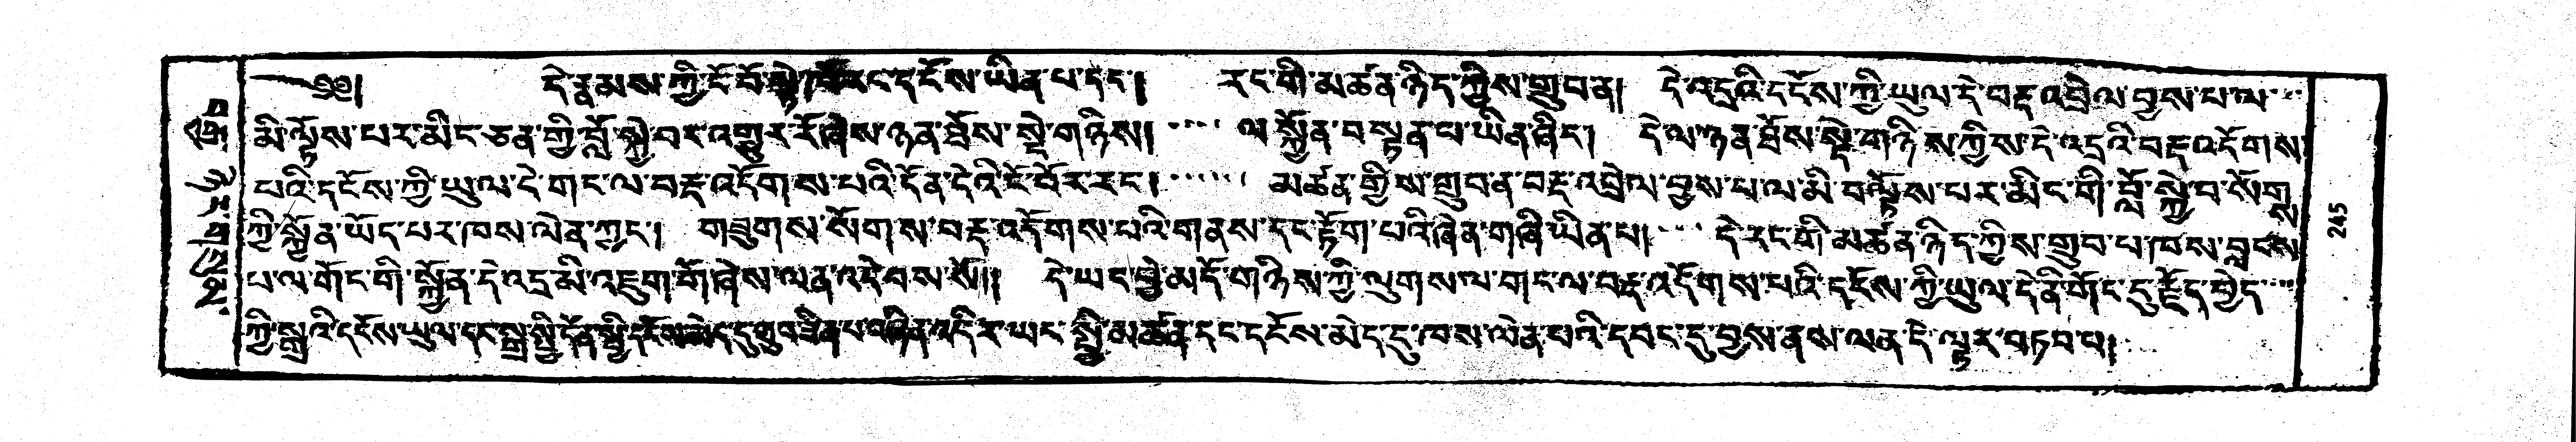༄༅། །དེ་རྣམས་ཀྱི་ངོ་བོ་སྟེ་ཁོ་རང་དངོས་ཡིན་པ་དང་། རང་གི་མཚན་ཉིད་ཀྱིས་གྲུབ་ན། དེ་འདྲའི་དངོས་ཀྱི་ཡུལ་དེ་བརྡ་འབྲེལ་བྱས་པ་ལ་
མི་ལྟོས་པར་མིང་ཅན་གྱི་བློ་སྐྱེ་བར་འགྱུར་རོ་ཞེས་ཉན་ཐོས་སྡེ་གཉིས། ལ་སྐྱོན་བསྟན་པ་ཡིན་ཞིང་། དེ་ལ་ཉན་ཐོས་སྡེ་གཉིས་ཀྱིས་དེ་འདྲའི་བརྡ་འདོགས་
པའི་དངོས་ཀྱི་ཡུལ་དེ་གང་ལ་བརྡ་འདོགས་པའི་དོན་དེའི་ངོ་བོར་རང་། མཚན་གྱིས་གྲུབ་ན་བརྡ་འབྲེལ་བྱས་པ་ལ་མི་བལྟོས་པར་མིང་གི་བློ་སྐྱེ་བ་སོགས་
ཀྱི་སྐྱོན་ཡོད་པར་ཁས་ལེན་ཀྱང་། གཟུགས་སོགས་བརྡ་འདོགས་པའི་གནས་དང་རྟོག་པའི་ཞེན་གཞི་ཡིན་པ། དེ་རང་གི་མཚན་ཉིད་ཀྱིས་གྲུབ་པ་ཁས་བླངས་
པ་ལ་གོང་གི་སྐྱོན་དེ་འདྲ་མི་འཇུག་གོ་ཞེས་ལན་འདེབས་སོ། །དེ་ཡང་བྱེ་མདོ་གཉིས་ཀྱི་ལུགས་ལ་གང་ལ་བརྡ་འདོགས་པའི་དངོས་ཀྱི་ཡུལ་དེ་ནི་གོང་དུ་རྗོད་བྱེད་
ཀྱི་སྒྲའི་དངོས་ཡུལ་དང་སྒྲ་སྤྱི་དོན་སྤྱི་དངོས་མེད་དུ་གྲུབ་ཟིན་པ་བཞིན་འདིར་ཡང་སྤྱི་མཚན་དང་དངོས་མེད་དུ་ཁས་ལེན་པའི་དབང་དུ་བྱས་ནས་ལན་དེ་ལྟར་བཏབ་པ།